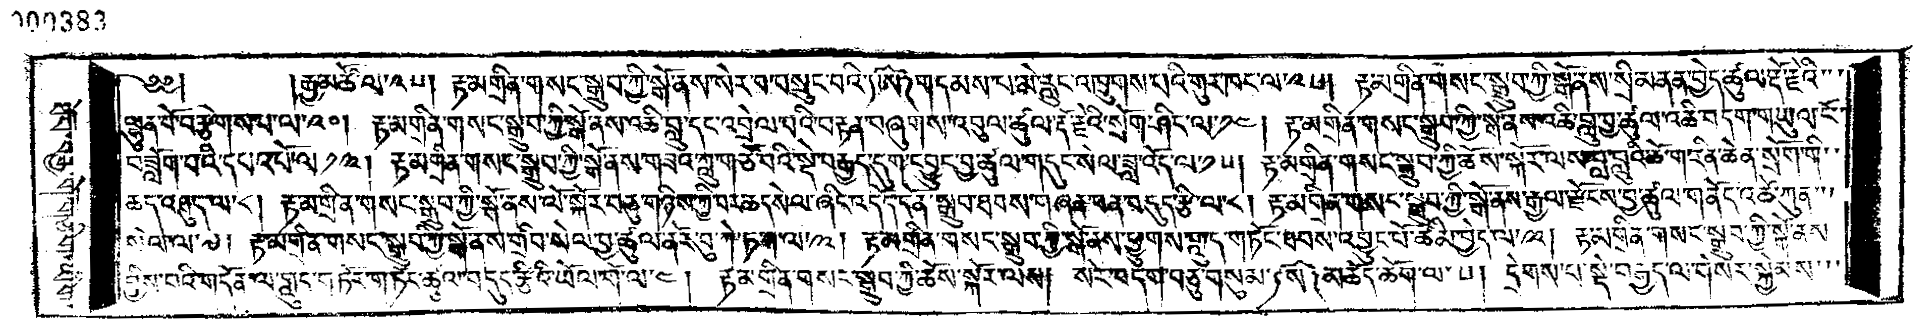༄༅། །རྒྱ་མཚོ་ལ ༢༥། རྟ་མགྲིན་གསང་སྒྲུབ་ཀྱི་སྒོ་ནས་སེར་བ་བསྲུང་བའི ༼ཨ༽ གདམས་པ་མེ་རླུང་འཁྲུགས་པའི་གུར་ཁང་ལ ༢༥། རྟ་མགྲིན་གསང་སྒྲུབ་ཀྱི་སྒོ་ནས་སྲི་མནན་བྱེད་ཚུལ་རྡོ་རྗེའི་
ལྷུན་པོ་བརྩེགས་པ་ལ ༢༠། རྟ་མགྲིན་གསང་སྒྲུབ་ཀྱི་སྒོ་ནས་འཆི་བླུ་དང་འབྲེལ་བའི་བརྟན་བཞུགས་འབུལ་ཚུལ་རྡོ་རྗེའི་སྲོག་ཤིང་ལ ༡༤། རྟ་མགྲིན་གསང་སྒྲུབ་ཀྱི་སྒོ་ནས་འཆི་བླུ་བྱ་ཚུལ་འཆི་བདག་གཡུལ་ངོ་
བཟློག་པའི་དཔའ་བོ་ལ ༡༣། རྟ་མགྲིན་གསང་སྒྲུབ་ཀྱི་སྒོ་ནས་གཟའ་ཀླུ་གཙོ་བའི་སྡེ་བརྒྱད་དུག་དབྱུང་བྱ་ཚུལ་གདུང་སེལ་ཟླ་འོད་ལ ༡༥། རྟ་མགྲིན་གསང་སྒྲུབ་ཀྱི་ཆོས་སྐོར་ལས་བླ་བླུའི་ཆོ་ག་རིན་ཆེན་སྲོག་གི་
ཆད་འཐུད་ལ ༨། རྟ་མགྲིན་གསང་སྒྲུབ་ཀྱི་སྒོ་ནས་ལོ་སྐོར་བཅུ་གཉིས་ཀྱི་བར་ཆད་སེལ་ཞིང་འདོད་དོན་སྒྲུབ་ཐབས་གཞན་ཕན་བདུད་རྩི་ལ ༨། རྟ་མགྲིན་གསང་སྒྲུབ་ཀྱི་སྒོ་ནས་རྒྱལ་རྫོངས་བྱ་ཚུལ་གནོད་འཚེ་ཀུན་
སེལ་ལ ༧། རྟ་མགྲིན་གསང་སྒྲུབ་ཀྱི་སྒོ་ནས་གྲིབ་སེལ་བྱ་ཚུལ་ནོར་བུ་ཀེ་ཏ་ཀ་ལ ༣། རྟ་མགྲིན་གསང་སྒྲུབ་ཀྱི་སྒོ་ནས་ཕྱུགས་གླུད་གཏོང་ཐབས་འབྱུང་པོ་ཚིམ་བྱེད་ལ ༣། རྟ་མགྲིན་གསང་སྒྲུབ་ཀྱི་སྒོ་ནས་
བྱིས་པའི་གདོན་ལ་གླུད་གཏོར་གཏོང་ཚུལ་བདུད་རྩིའི་ཡོལ་གོ་ལ ༤། རྟ་མགྲིན་གསང་སྒྲུབ་ཀྱི་ཆོས་སྐོར་ལས། སེར་བདག་བཅུ་གསུམ ༼ས༽ མཆོད་ཆོག་ལ ༥། དྲེགས་པ་སྡེ་བརྒྱད་ལ་གསེར་སྐྱེམས་